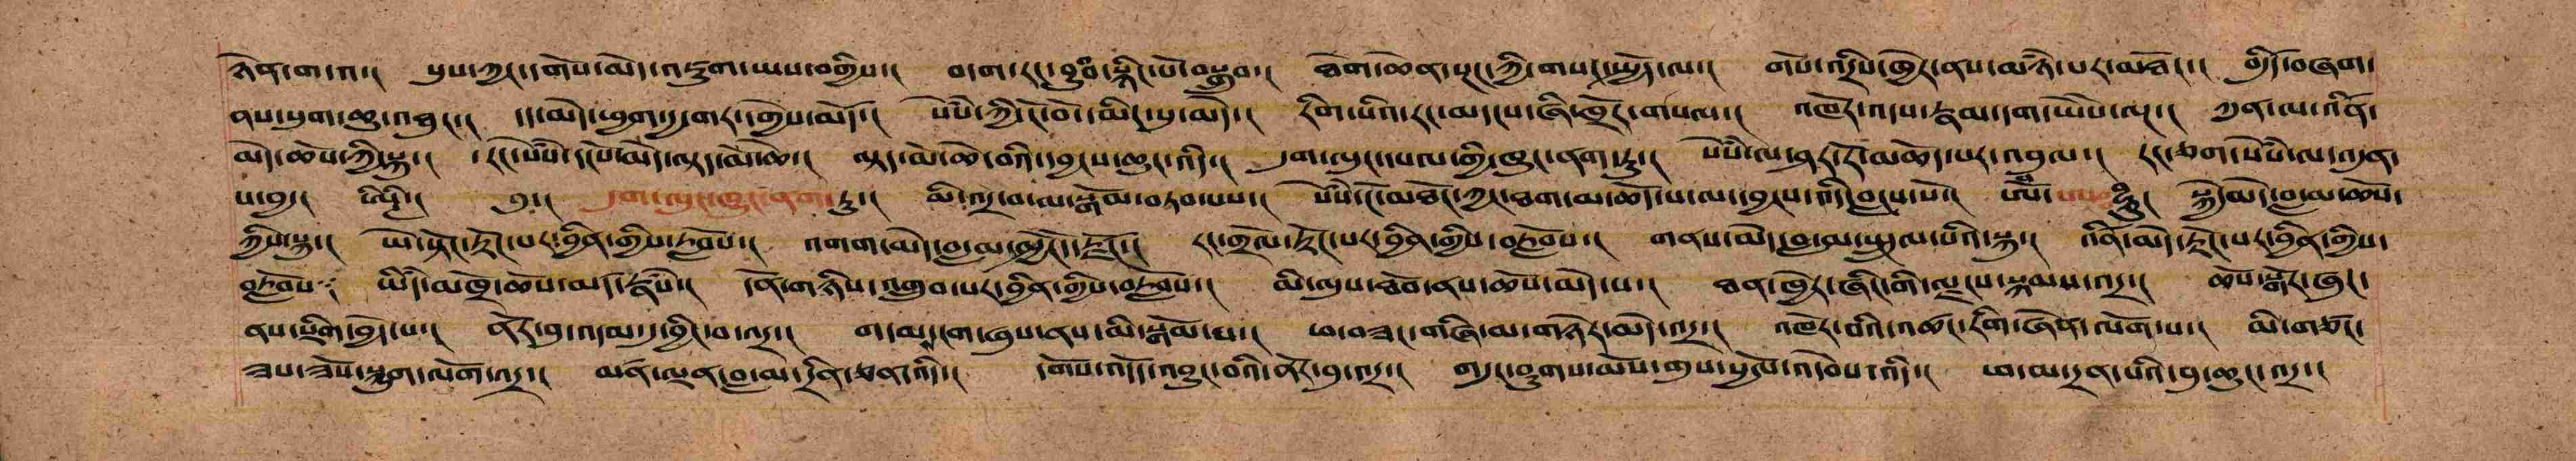ཉེན་གདའ།། སུས་ཀྱང་དགོས་མེད་འཇུག་ཡས་བགྱིས།། བདག་རང་བྱུང་ཆུབ་སྙིང་པོ་བསྒྲུབ།། ཐེག་ཆེན་སྔགས་ཀྱི་གསང་སྤྱོད་ལ།། གོས་འདྲིས་ཁྱེར་ནས་མཉམ་པར་མཐོང་།། བདུད་རྩི་བཞག་
ནས་སུག་ཆུ་འཐུང་།། དད་མེད་ཕྱག་རྒྱ་གར་དགྱེས་མཛོད།། སེམས་ཀྱི་ངོ་བོ་དམིགས་སུ་མེད།། རིག་པའི་རང་མདངས་ཞི་ཁྲོར་གསལ།། འཁོར་འདས་རྣམ་དག་ཡེ་ཤེས་ལྔ།། ཀུན་ལ་འཛིན་
མེད་ཆོས་ཀྱི་སྐུ།། རང་སེམས་དངོས་མེད་ལྟད་མོ་ཆེ།། ལྟད་མོ་ཆེ་བའི་དབྱངས་ཆུང་འདི།། དུག་ལུང་དཔལ་གྱི་ཁྱུང་ནག་ཏུ།། སེམས་ལ་ཤར་རོ་མཆོད་པར་འབུལ།། རང་ཅག་སེམས་ལ་འདུན་
པ་བྱ།། ཨིཊི།།༄་། དུག་ལུང་ཁྱུང་ནག་ཏུ།། མི་འདྲ་བ་ལ་སྒོམ་བཏབ་པས།། སེམས་ངོ་མཐོང་ཀྱང་ཐག་མ་ཆོད་པ་ལ་དབྱངས་འདི་བླངས་སོ།། ཨོཾ་ཨཱཿཧཱུཾ། སྐྱེ་མེད་བླ་མ་ཆོས་
ཀྱི་སྐུ།། ཡེ་སྟོང་རྟོགས་པར་བྱིན་གྱིས་རློབས།། འགག་མེད་བླ་མ་ལོངས་སྤྱོད་རྫོགས།། རང་གྲོལ་རྟོགས་པར་བྱིན་གྱིས་རློབས།། གནས་མེད་བླ་མ་སྤྲུལ་པའི་སྐུ།། འཛིན་མེད་རྟོགས་པར་བྱིན་གྱིས་
རློབས།། ཡིད་དམ་མཁའ་འགྲོ་ཆོས་མཛད་རྣམས།། དོན་གཉིས་འགྲུབ་པར་བྱིན་གྱིས་རློབས།། མི་ལུས་ཐོབ་ནས་ཆོས་མེད་པ།། ཐན་ཁྱེར་ཞིང་གི་ལྗང་སྐམ་འདྲ།། ཆོས་སྒོར་ཞུགས་
ནས་སྡིག་བྱེད་པ།། ནོར་བུ་འདམ་དུ་བྱིང་བ་འདྲ།། གདམས་ངག་ཞུས་ནས་མི་སྒོམ་པ།། ཕ་བཟང་གཞི་མ་གཉེར་མེད་འདྲ།། འཁོར་བའི་འཚང་རིག་ཞེན་ལོག་པ།། མི་གཙང་
ཟས་ཟོས་སྐྱུག་ལོག་འདྲ།། མཚན་ལྡན་བླ་མ་དྲིན་ཅན་འདི།། དགོས་འདོད་འབྱུང་བའི་ནོར་བུ་འདྲ།། གདུང་ཤུགས་མོས་གུས་གསོལ་འདེབས་འདི།། ཕ་མ་དྲན་པའི་བུ་ཆུང་འདྲ།།